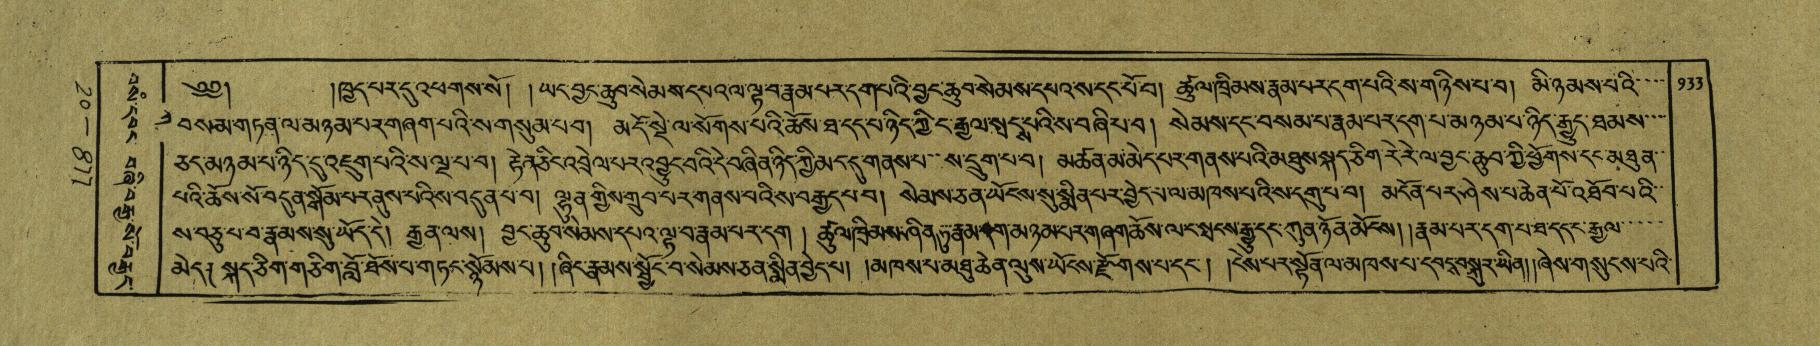༄༅། །ཁྱད་པར་དུ་འཕགས་སོ། །ཡང་བྱང་ཆུབ་སེམས་དཔའ་ལ་ལྟ་བ་རྣམ་པར་དག་པའི་བྱང་ཆུབ་སེམས་དཔའ་ས་དང་པོ་བ། ཚུལ་ཁྲིམས་རྣམ་པར་དག་པའི་ས་གཉིས་པ་བ། མི་ཉམས་པའི་
བསམ་གཏན་ལ་མཉམ་པར་གཞག་པའི་ས་གསུམ་པ་བ། མདོ་སྡེ་ལ་སོགས་པའི་ཆོས་ཐ་དད་པ་ཉིད་ཀྱི་ང་རྒྱལ་སྤངས་པའི་ས་བཞི་པ་བ། སེམས་དང་བསམ་པ་རྣམ་པར་དག་པ་མཉམ་པ་ཉིད་རྒྱུད་ཐམས་
ཅད་མཉམ་པ་ཉིད་དུ་འཇུག་པའི་ས་ལྔ་པ་བ། རྟེན་ཅིང་འབྲེལ་པར་འབྱུང་བའི་དེ་བཞིན་ཉིད་ཀྱི་མང་དུ་གནས་པ་ས་དྲུག་པ་བ། མཚན་མ་མེད་པར་གནས་པའི་མཐུས་སྐད་ཅིག་རེ་རེ་ལ་བྱང་ཆུབ་ཀྱི་ཕྱོགས་དང་མཐུན་
པའི་ཆོས་སོ་བདུན་སྒོམ་པར་ནུས་པའི་ས་བདུན་པ་བ། ལྷུན་གྱིས་གྲུབ་པར་གནས་པའི་ས་བརྒྱད་པ་བ། སེམས་ཅན་ཡོངས་སུ་སྨིན་པར་བྱེད་པ་ལ་མཁས་པའི་ས་དགུ་པ་བ། མངོན་པར་ཤེས་པ་ཆེན་པོ་འཐོབ་པའི་
ས་བཅུ་པ་བ་རྣམས་སུ་ཡོད་དེ། རྒྱན་ལས། བྱང་ཆུབ་སེམས་དཔའ་ལྟ་བ་རྣམ་པར་དག །ཚུལ་ཁྲིམས་ཤིན་ཏུ་རྣམ་དག་མཉམ་པར་གཞག་ཆོས་ལ་ང་སྤངས་རྒྱུ་དང་ཀུན་ཉོན་མོངས། །རྣམ་པར་དག་པ་ཐ་དང་ང་རྒྱལ་
མེད༑ སྐད་ཅིག་གཅིག་བློ་ཐོས་པ་གཏང་སྙོམས་པ། །ཞིང་རྣམས་སྦྱོང་བ་སེམས་ཅན་སྨིན་བྱེད་པ། །མཁས་པ་མཐུན་ཆེན་ལུས་ཡོངས་རྫོགས་པ་དང་། །ངེས་པར་སྟོན་ལ་མཁས་པ་དབང་བསྐུར་ཡིན། །ཞེས་གསུངས་པའི་